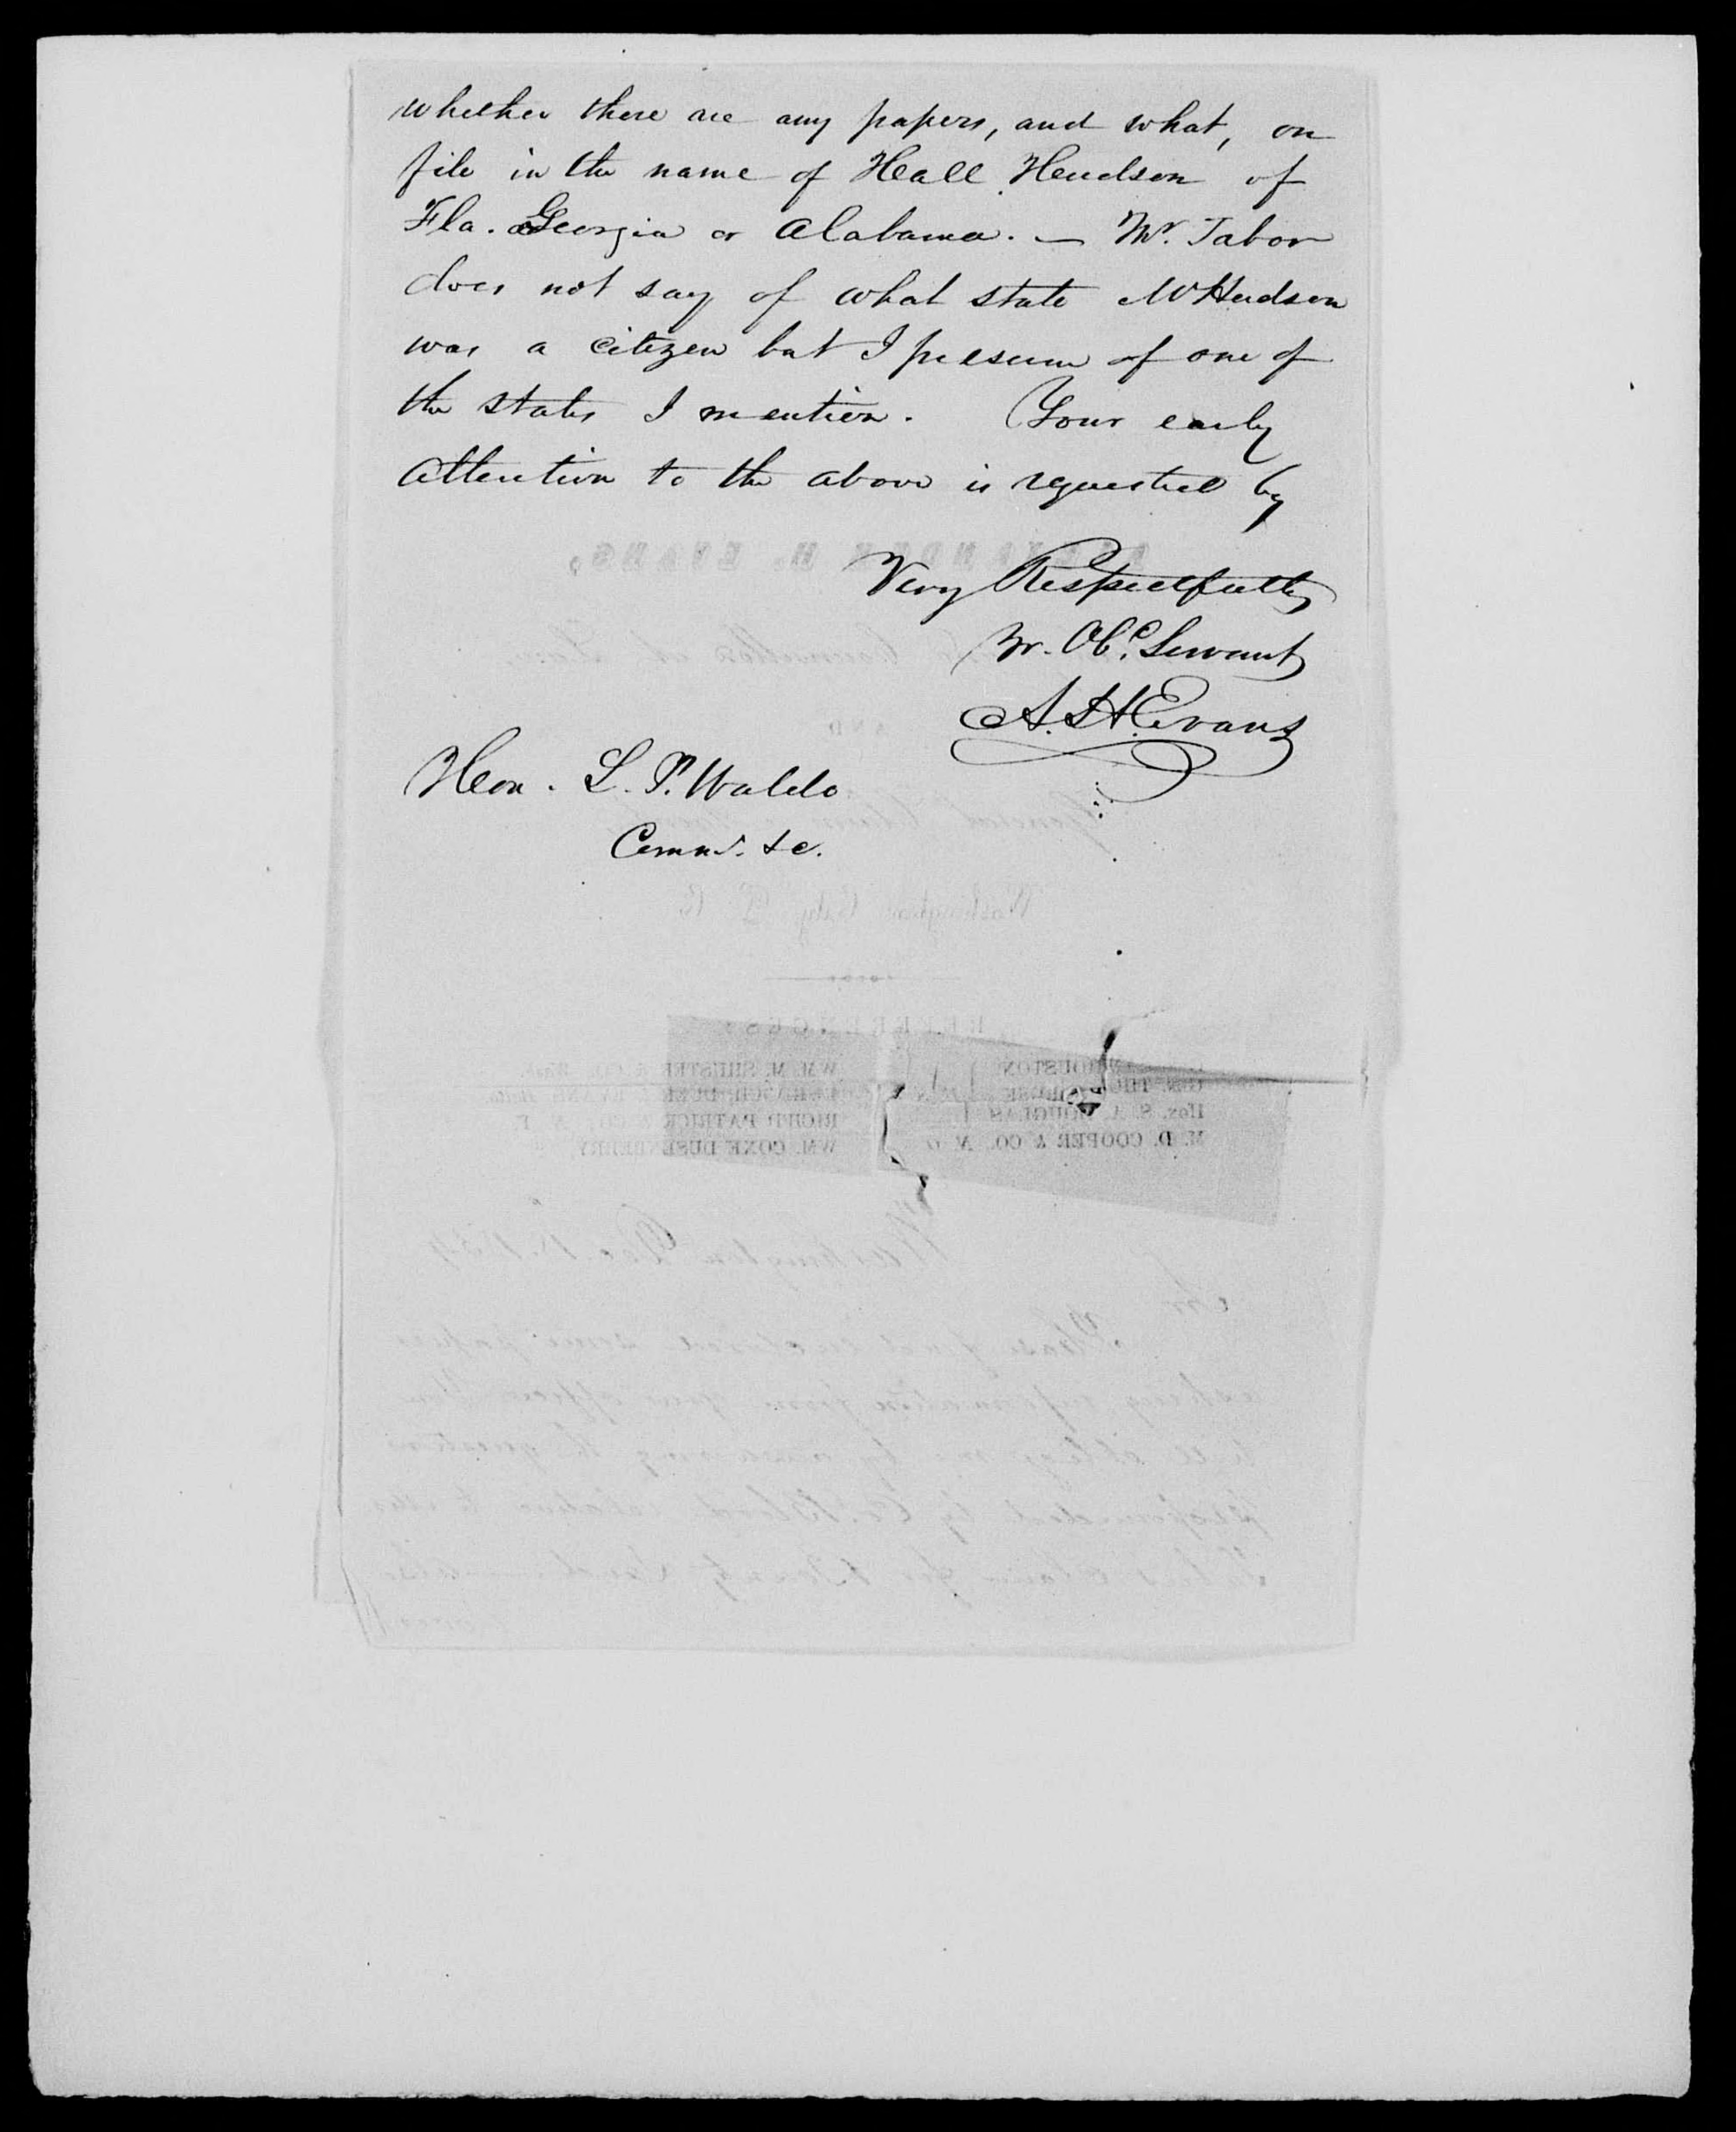whether there are any papers, and what, on file in the name of Hall Hudson of Fla. or Georgia or Alabama. - Ms. Tabor does not say of what state Mr. Hudson was a citizen but I presume of one of the states I mention. Your early attention to the above is requested by 
Very Respectfully 
Yr. Ob. Servant
A. H Evans 
Hon. L.P. Waldo
Committe.(?)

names: Tabor, Hudson, Hall Hudson, A H Evans, L P Waldo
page: 3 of 14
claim: rejected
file: R. 4463, Hall Hudson, S.C.